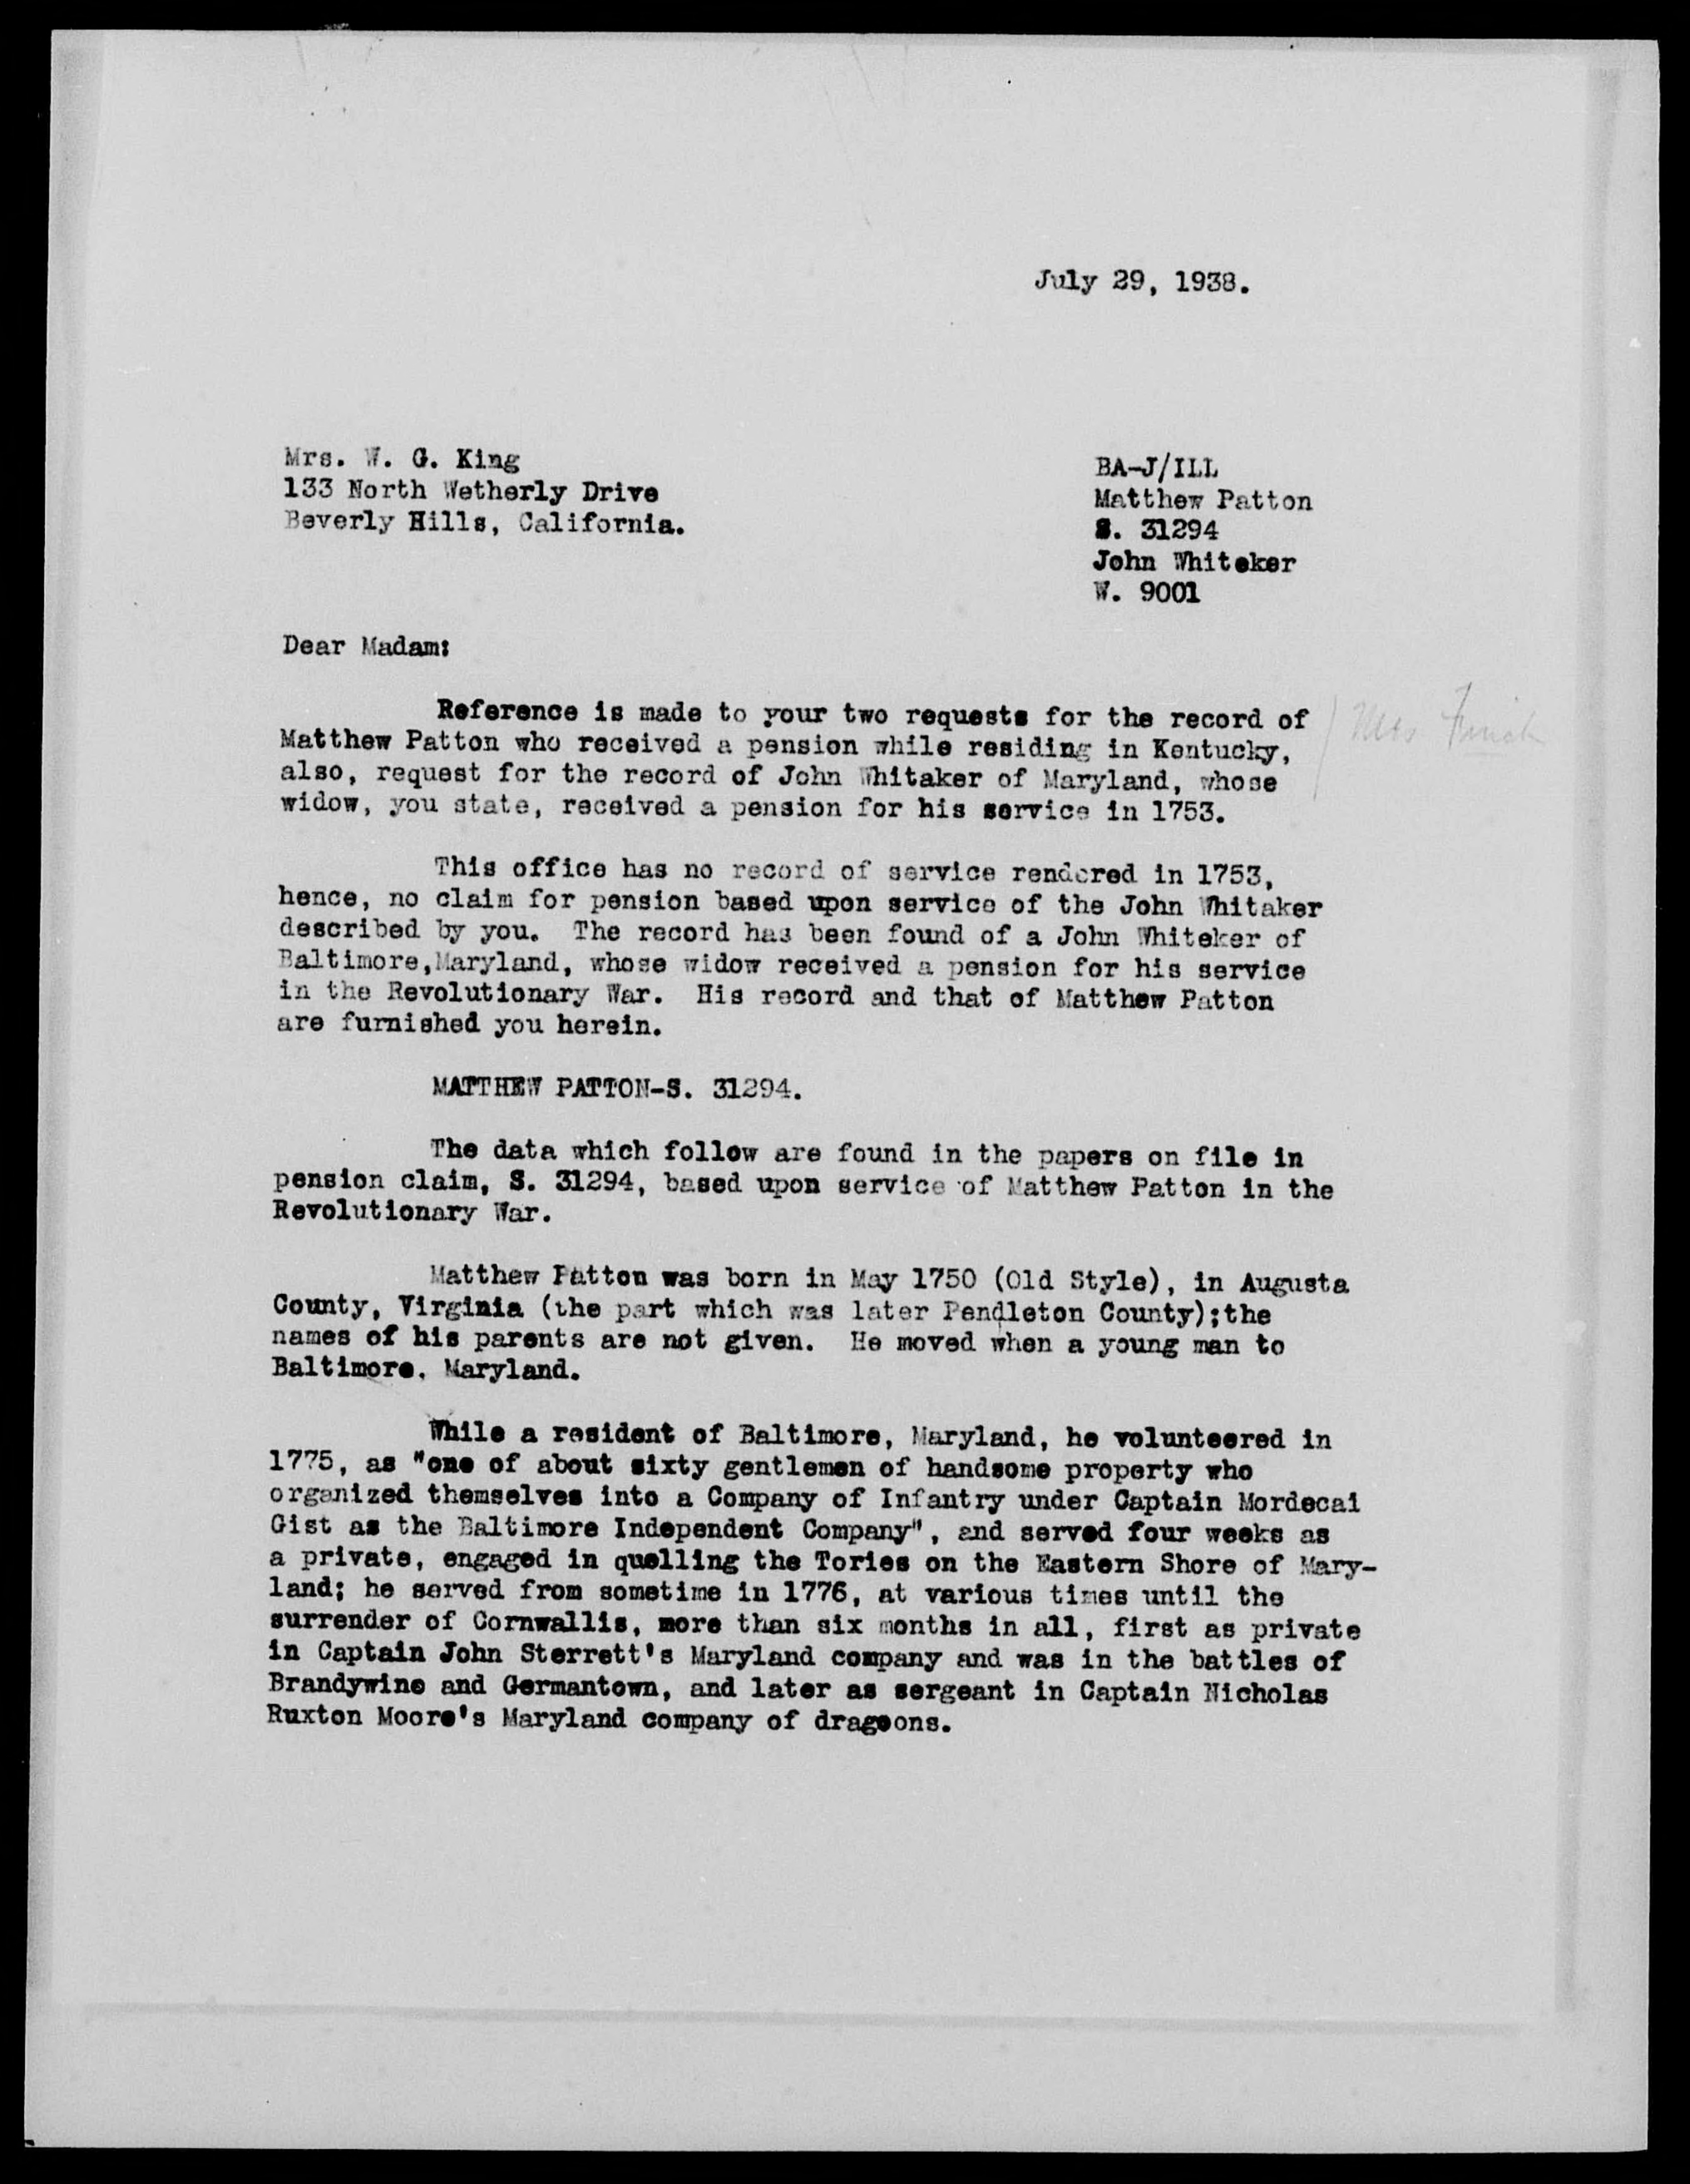July 29, 1938

Mrs. W. G. King
133 North Wetherly Drive
Beverly Hills, California

BA-J/ILL
Matthew Patton
S. 31294
John Whitaker
W. 9001

Dear Madam:

Reference is made to your two requests for the record of Matthew Patton who received a pension while residing in Kentucky, also, request for the record of John Whitaker of Maryland, whose widow, you state, received a pension for his service in 1753.

This office has no record of service rendered in 1753, hence, no claim for pension based upon service of the John Whitaker described by you. The record has been found of a John Whitaker of Baltimore, Maryland, whose widow received a pension for his service in the Revolutionary War. His record and that of Matthew Patton are furnished you herein.

MATTHEW PATTON — S. 31294.

The data which follow are found in the papers on file in pension claim, S. 31294, based upon service of Matthew Patton in the Revolutionary War.

Matthew Patton was born in May 1750 (Old Style), in Augusta County, Virginia (the part which was later Pendleton County); the names of his parents are not given. He moved when a young man to Baltimore, Maryland.

While a resident of Baltimore, Maryland, he volunteered in 1775, as “one of about sixty gentlemen of handsome property who organized themselves into a Company of Infantry under Captain Mordecai Gist as the Baltimore Independent Company”, and served four weeks as a private, engaged in quelling the Tories on the Eastern Shore of Maryland; he served from sometime in 1776, at various times until the surrender of Cornwallis, more than six months in all, first as private in Captain John Sterrett’s Maryland company and was in the battles of Brandywine and Germantown, and later as sergeant in Captain Nicholas Ruxton Moore’s Maryland company of dragoons.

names: John Whitaker; Matthew Patton; [BLANK] Cornwallis; Mordecai Gist; W G King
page: 35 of 45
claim: survivor's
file: S. 31294, for Matthew Patton, Maryland